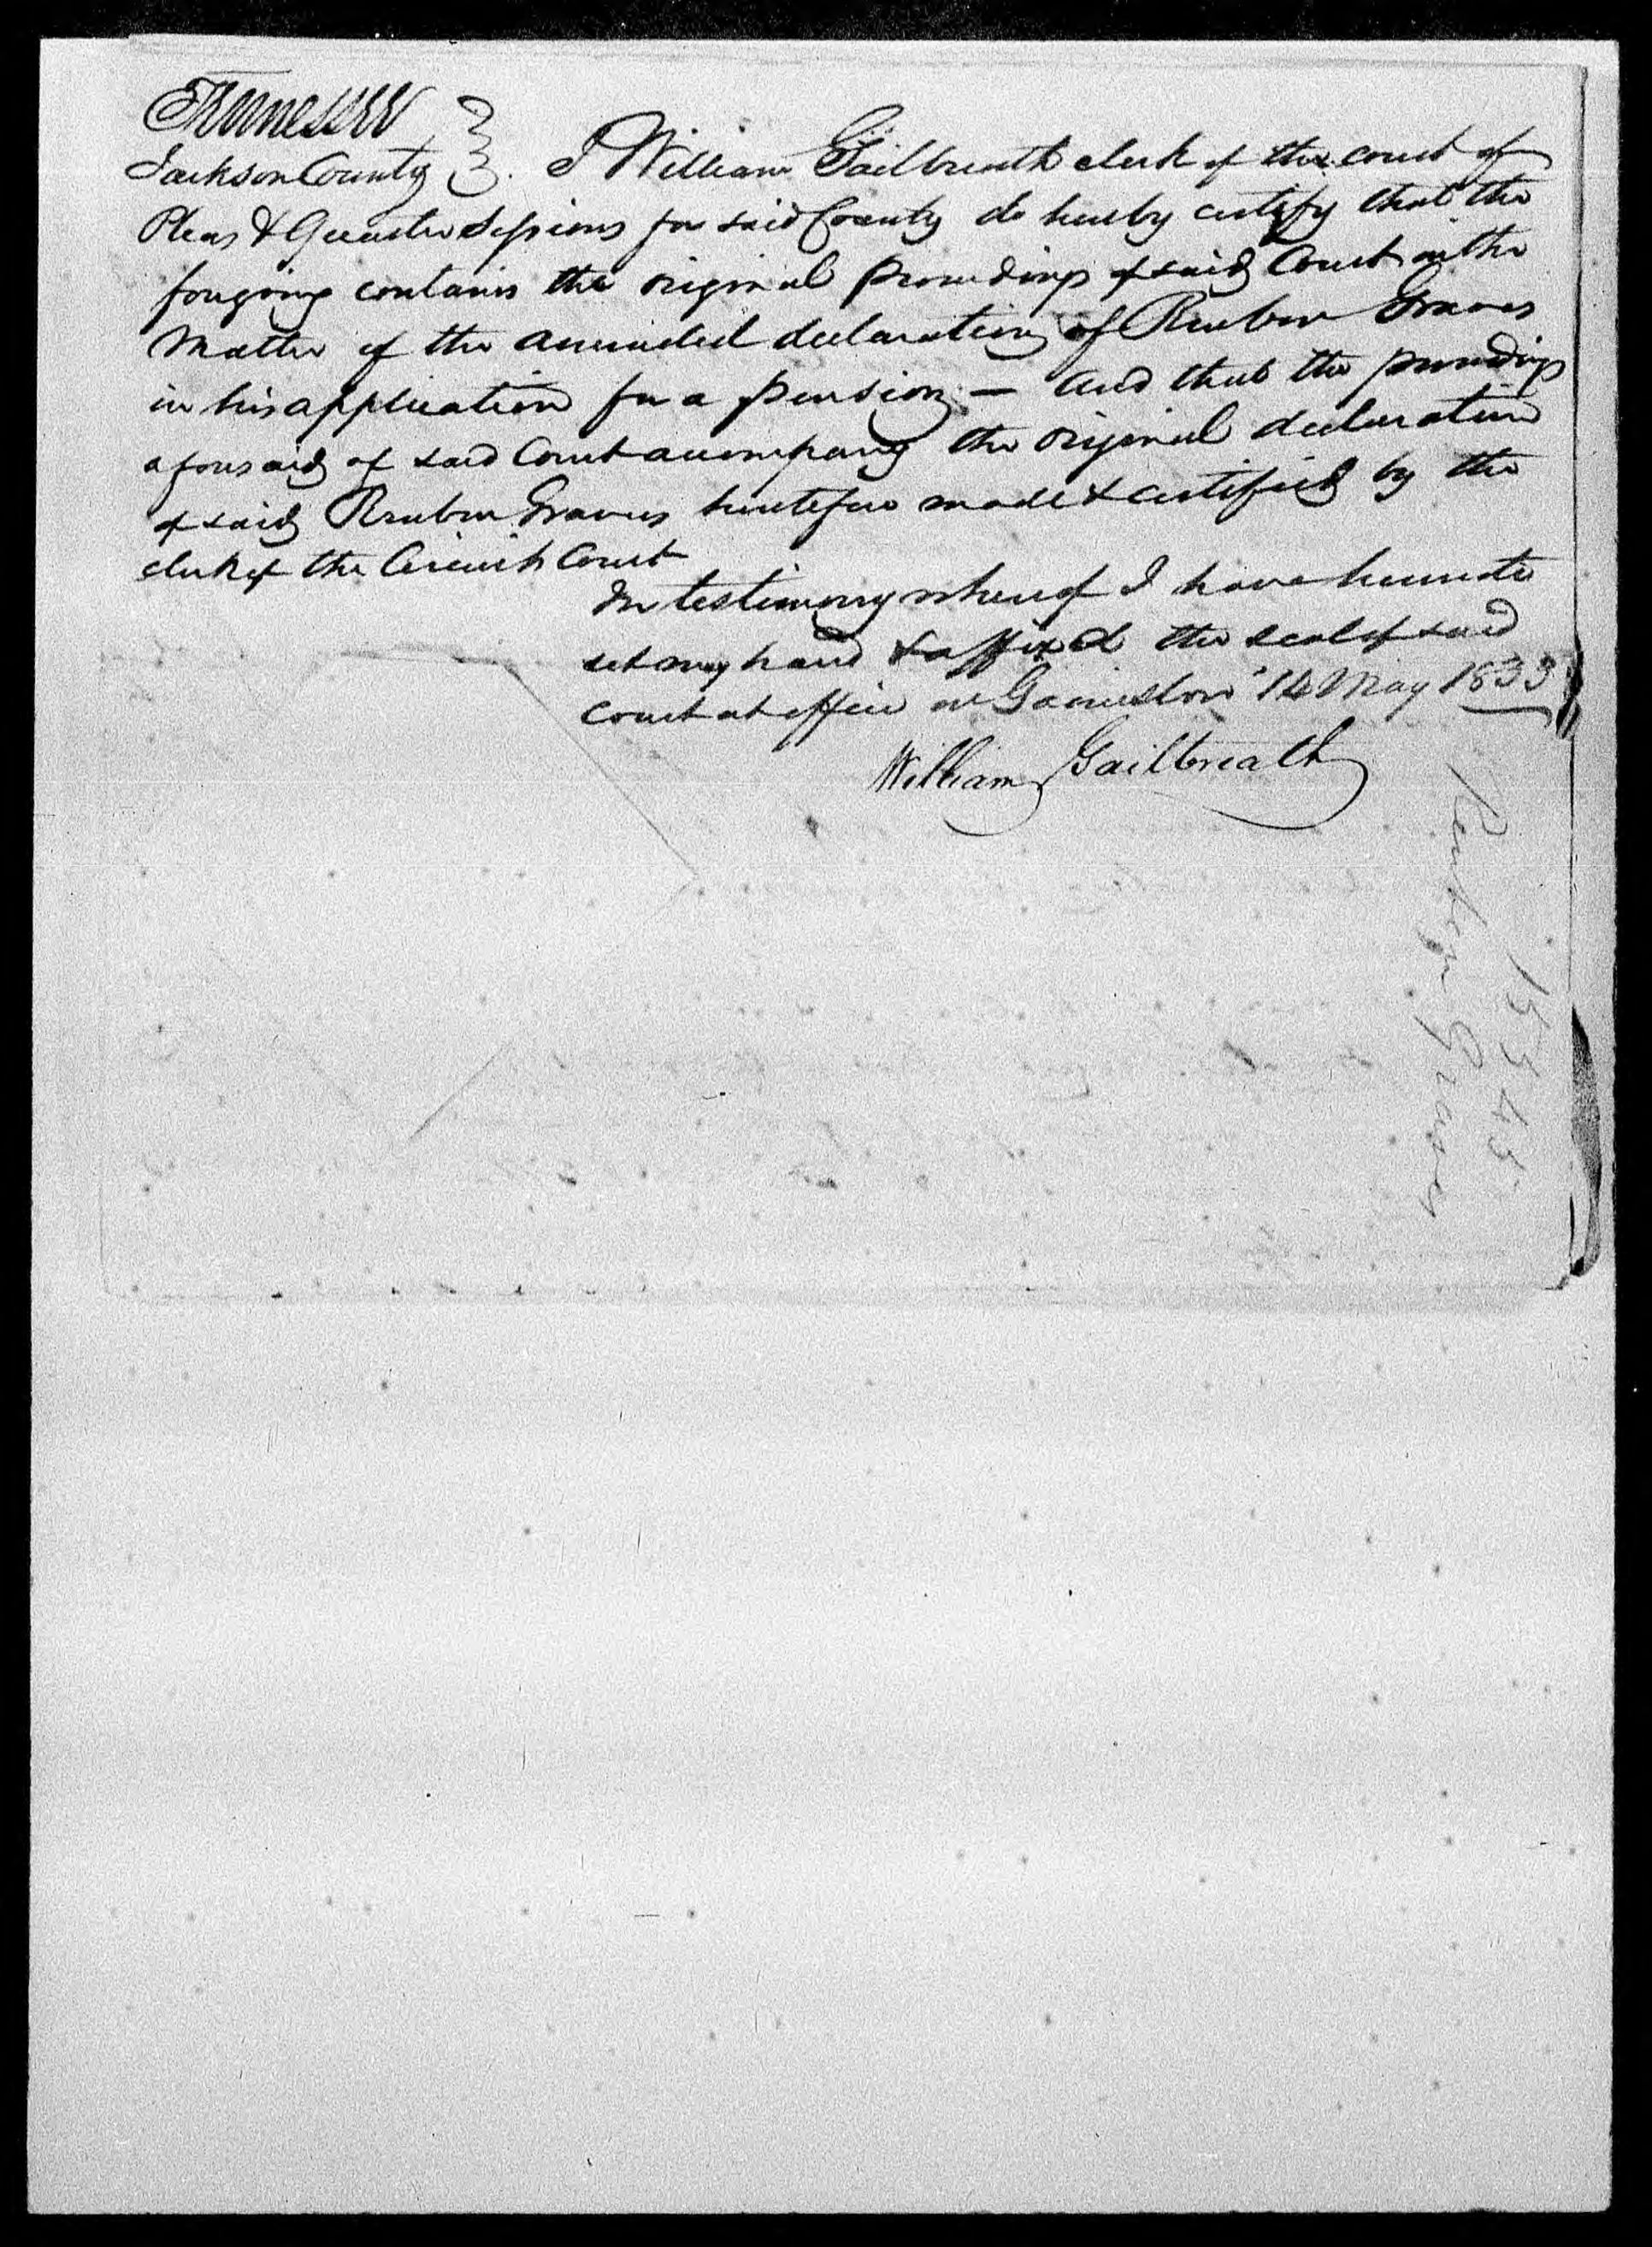Tennessee
Jackson County

I William Galbreath clerk of the court of Common Pleas and Quarter Sessions for said County do hereby certify that the foregoing contains the original proceedings of said Court in the matter of the amended declaration of Ruben Graves in his application for a pension  - and that the proceedings of said Court accompany the original declaration of said Ruben Graves heretofore made and certified by the clerk of the Circuit Court.

In testimony whereof I have hereunto set my hand and affixed the seal of said Court at offices at Gainsboro 14 May 1833
William Galbreath

15545
Ruben Graves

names: William Gailbreath, Reuben Graves, William Gailbreath, Reuben Graves, Reuben Graves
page: 11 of 22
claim: survivor's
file: S. 3408, Reuben Graves, Va.